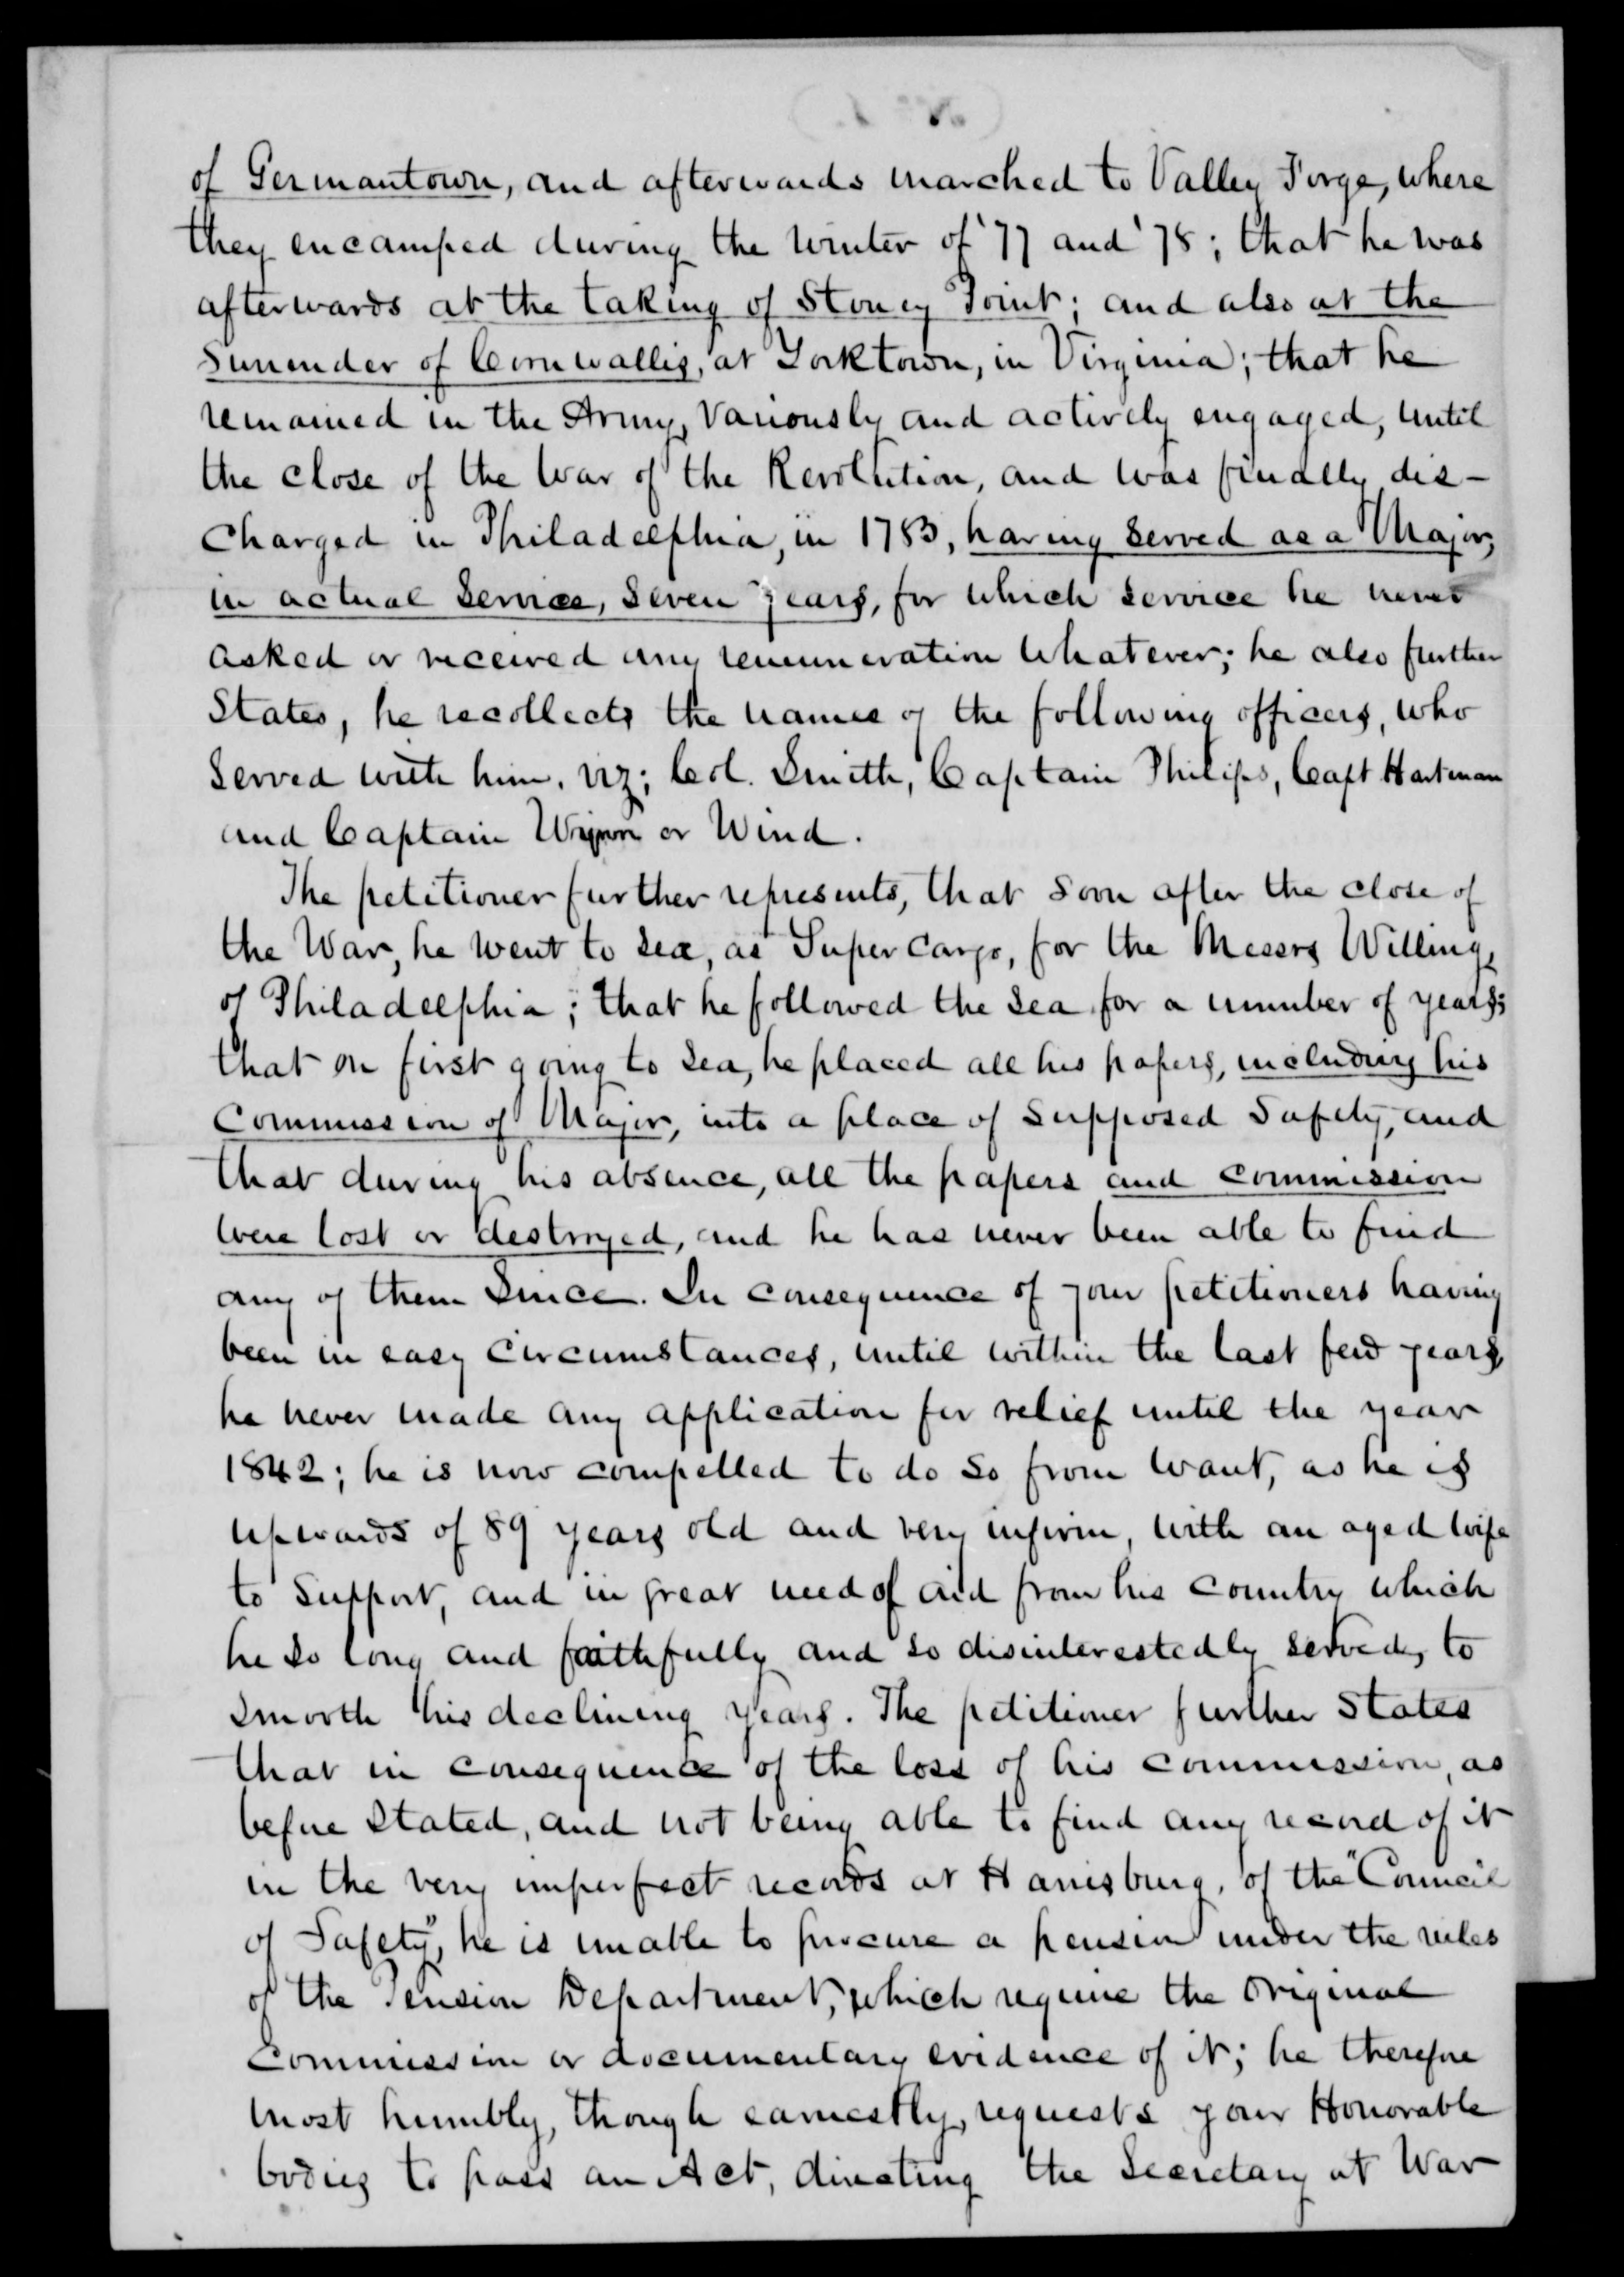of Germantown, and afterwards marched to Valley Forge, where they encamped during the winter of ‘77 and ‘78; that he was afterwards at the taking of Stoney Point; and also at the
Surrender of Cornwallis at Yorktown, in Virginia; that he
remained in the Army, Variously and actively engaged, until
the close of the War of the Revolution, and was finally discharged in Philadelphia, in 1783, having served as a Major,
in actual service, seven years, for which service he never
asked or received any remuneration whatever; he also further
States, he recollect the names of the following officers, who
served with him, viz; Col. Smith, Captain Philips, Capt Hartman
and Captain Wynn or Wind.
The petitioner further represents, that soon after the close of
the War, he went to sea, as Super Cargo, for the Messrs Willing
of Philadelphia; that he followed the sea for a number of years;
that on first going to sea, be placed all his papers, including his
Commission of Major, into a place of supposed safety, and
that during his absence, all the papers and commission
were lost or destroyed, and he has never been able to find
any of them since. In consequence of your petitioners having been in easy circumstances, until within the last few years
he never made any application for relief until the year
1842; he is now compelled to do so from want, as he is
upwards of 89 years old and very infirm, with an aged wife
to support, and in great need of aid from his country which
he so long and faithfully and so disinterestedly served, to
smooth his declining years. The petitioner further states
that in consequence of the loss of his commission, as
before stated, and not being able to find any record of it
in the very imperfect records at Harrisburg, of the “Council of
Safety,” he is unable to procure a pension under the rules
of the Pension Department, which require the original
Commission or documentary evidence of it, he therefore
most humbly, though earnestly, requests your Honorable
bodies to pass an Act, directing the Secretary at War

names: Wind, Wynn, Smith, Hartman, Philips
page: 51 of 68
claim: survivor's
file: S. 6,358, George Wentling, Penn.